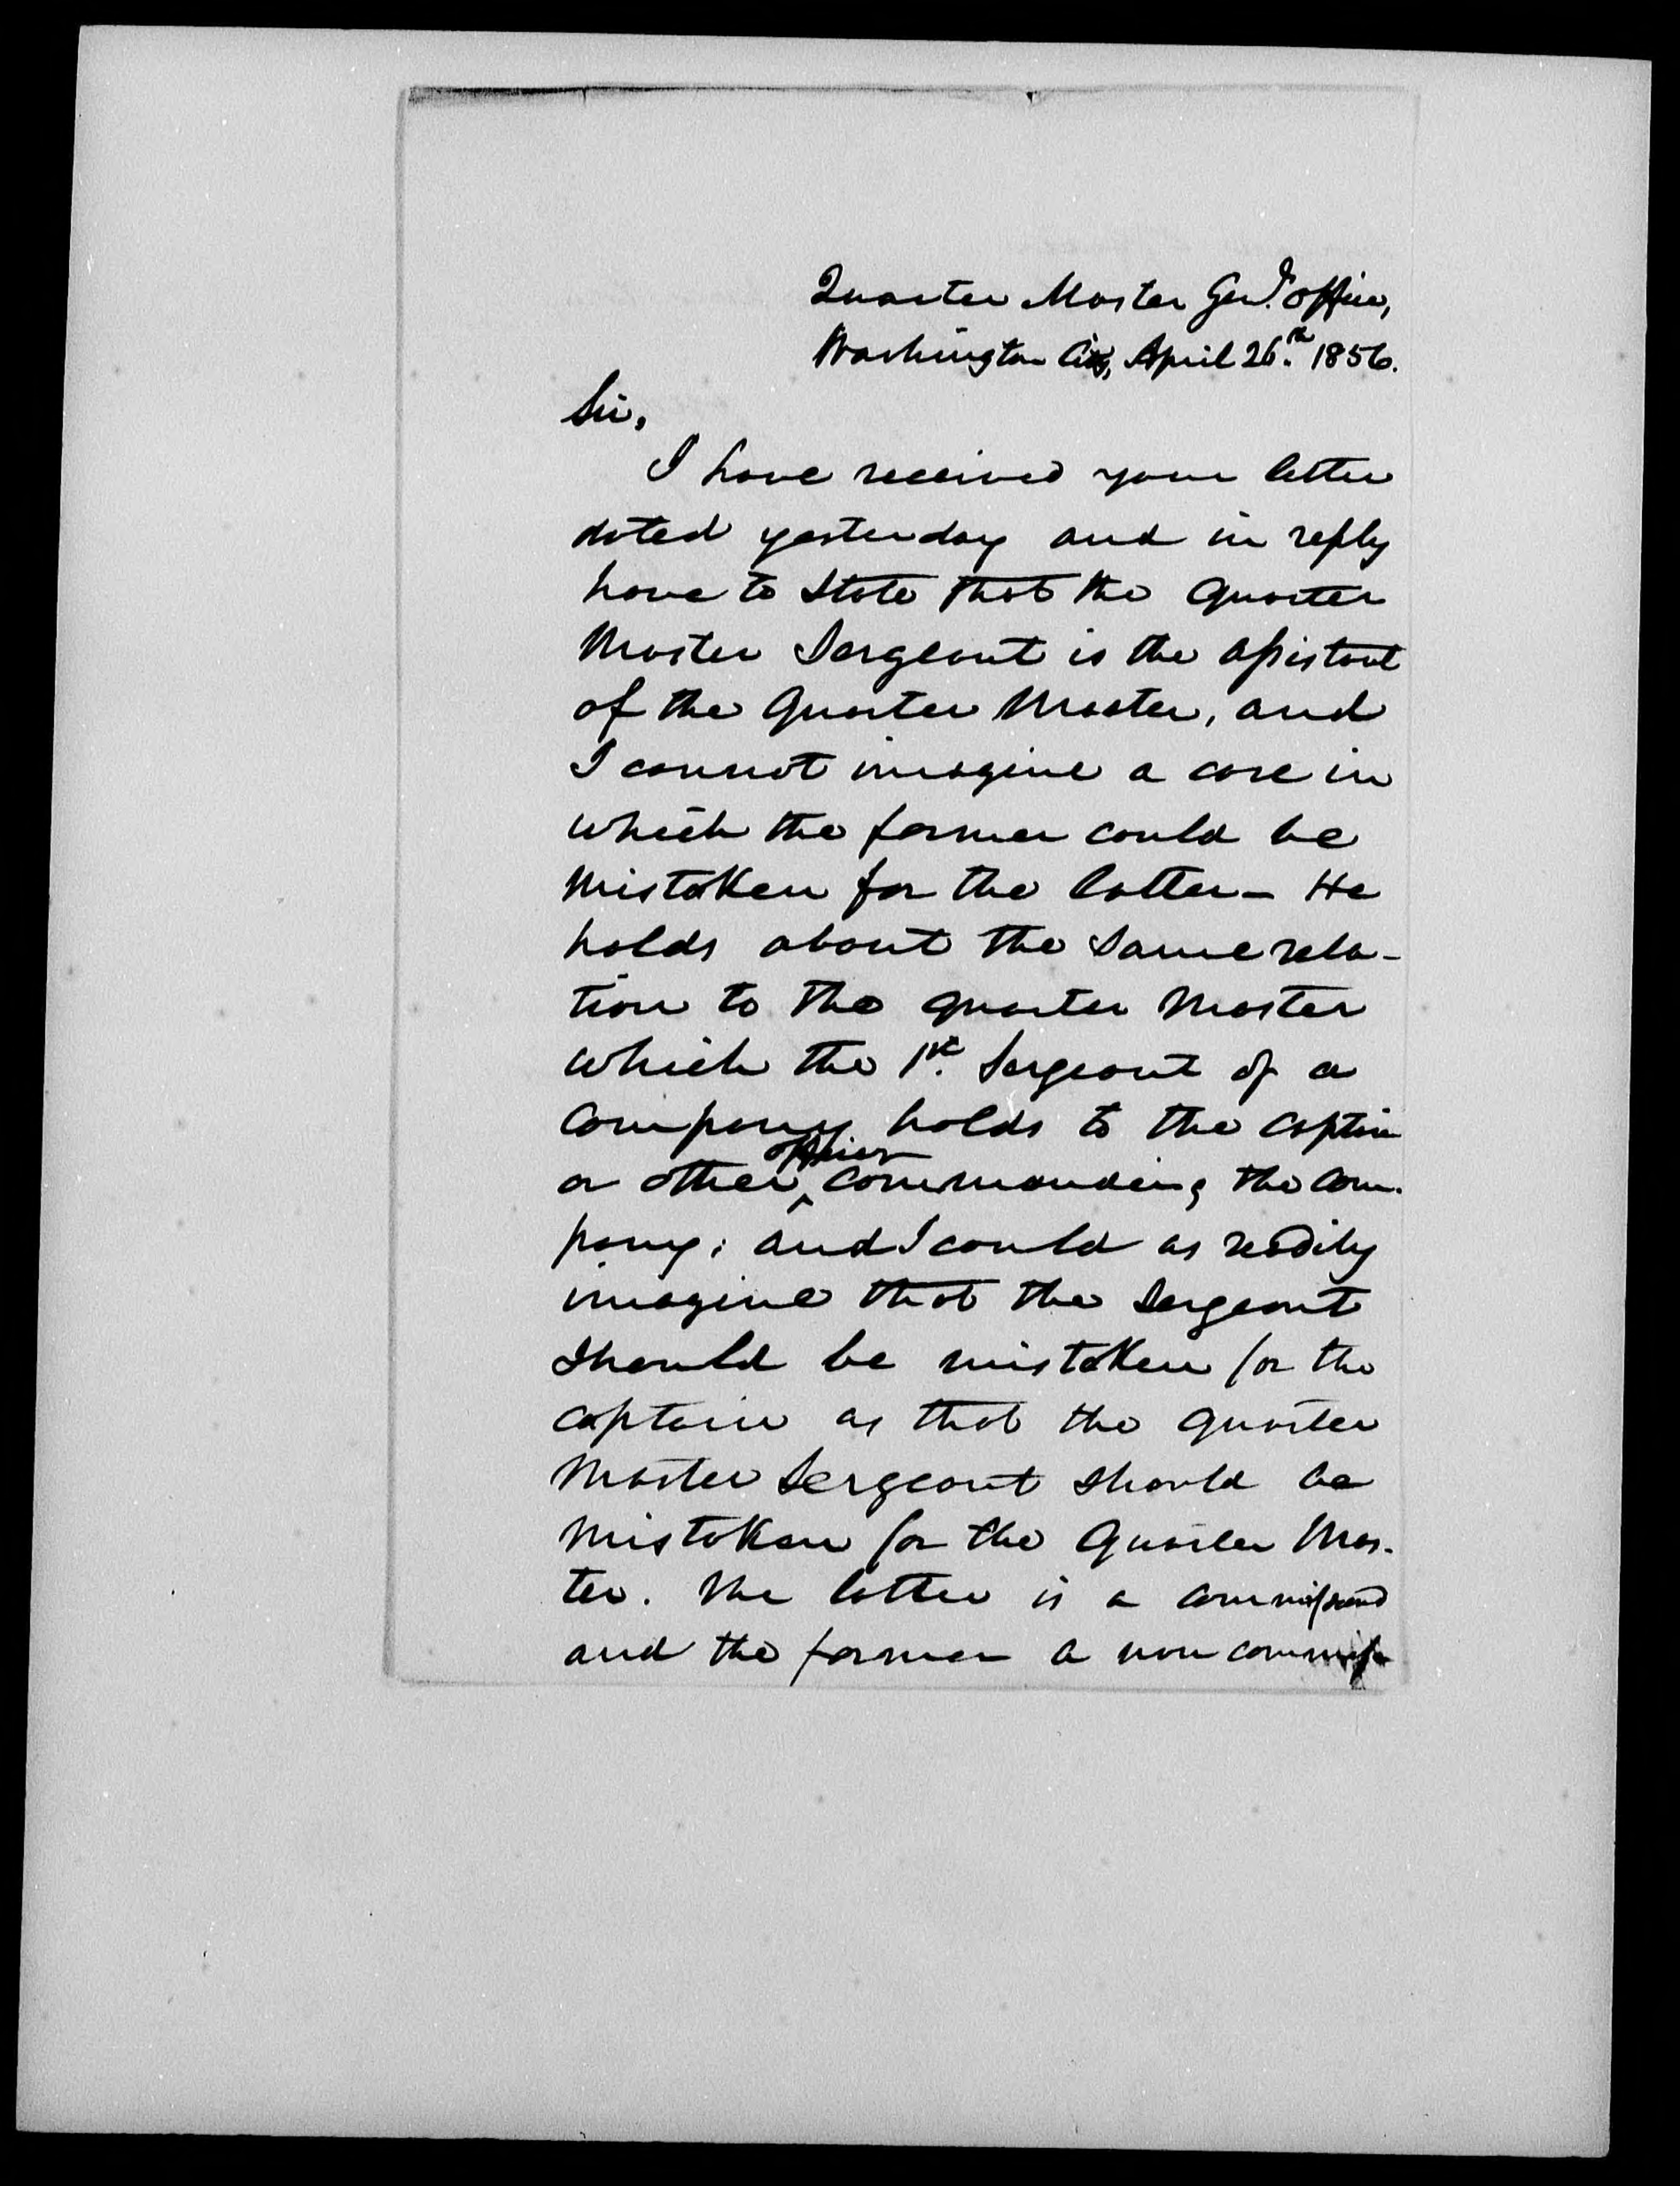[Handwritten letter.  Occasional spacing has been included to make the long text block easier to read.]

Quarter Master Genl. office,
Washington City, April 26th. 1856.

Sir,
I have received your letter dated yesterday and in reply have to State that the Quarter Master Sergeant is the assistant of the Quarter Master, and I cannot image a case in which the former could be Mistaken for the latter _ 

He holds about the Same relation to the Quarter Master which the 1st. Sergeant of a Company holds to the Captain or other officer commanders; the Company; and I could as readily imagine that the Sergeant Should be mistaken for the Captain as that the Quarter Master Sergeant should be Mistaken for the Quarter Master.  the latter is a commissioned and the former a non commiss-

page: 18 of 145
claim: survivor's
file: S. 8265, William Cumming, N.C.